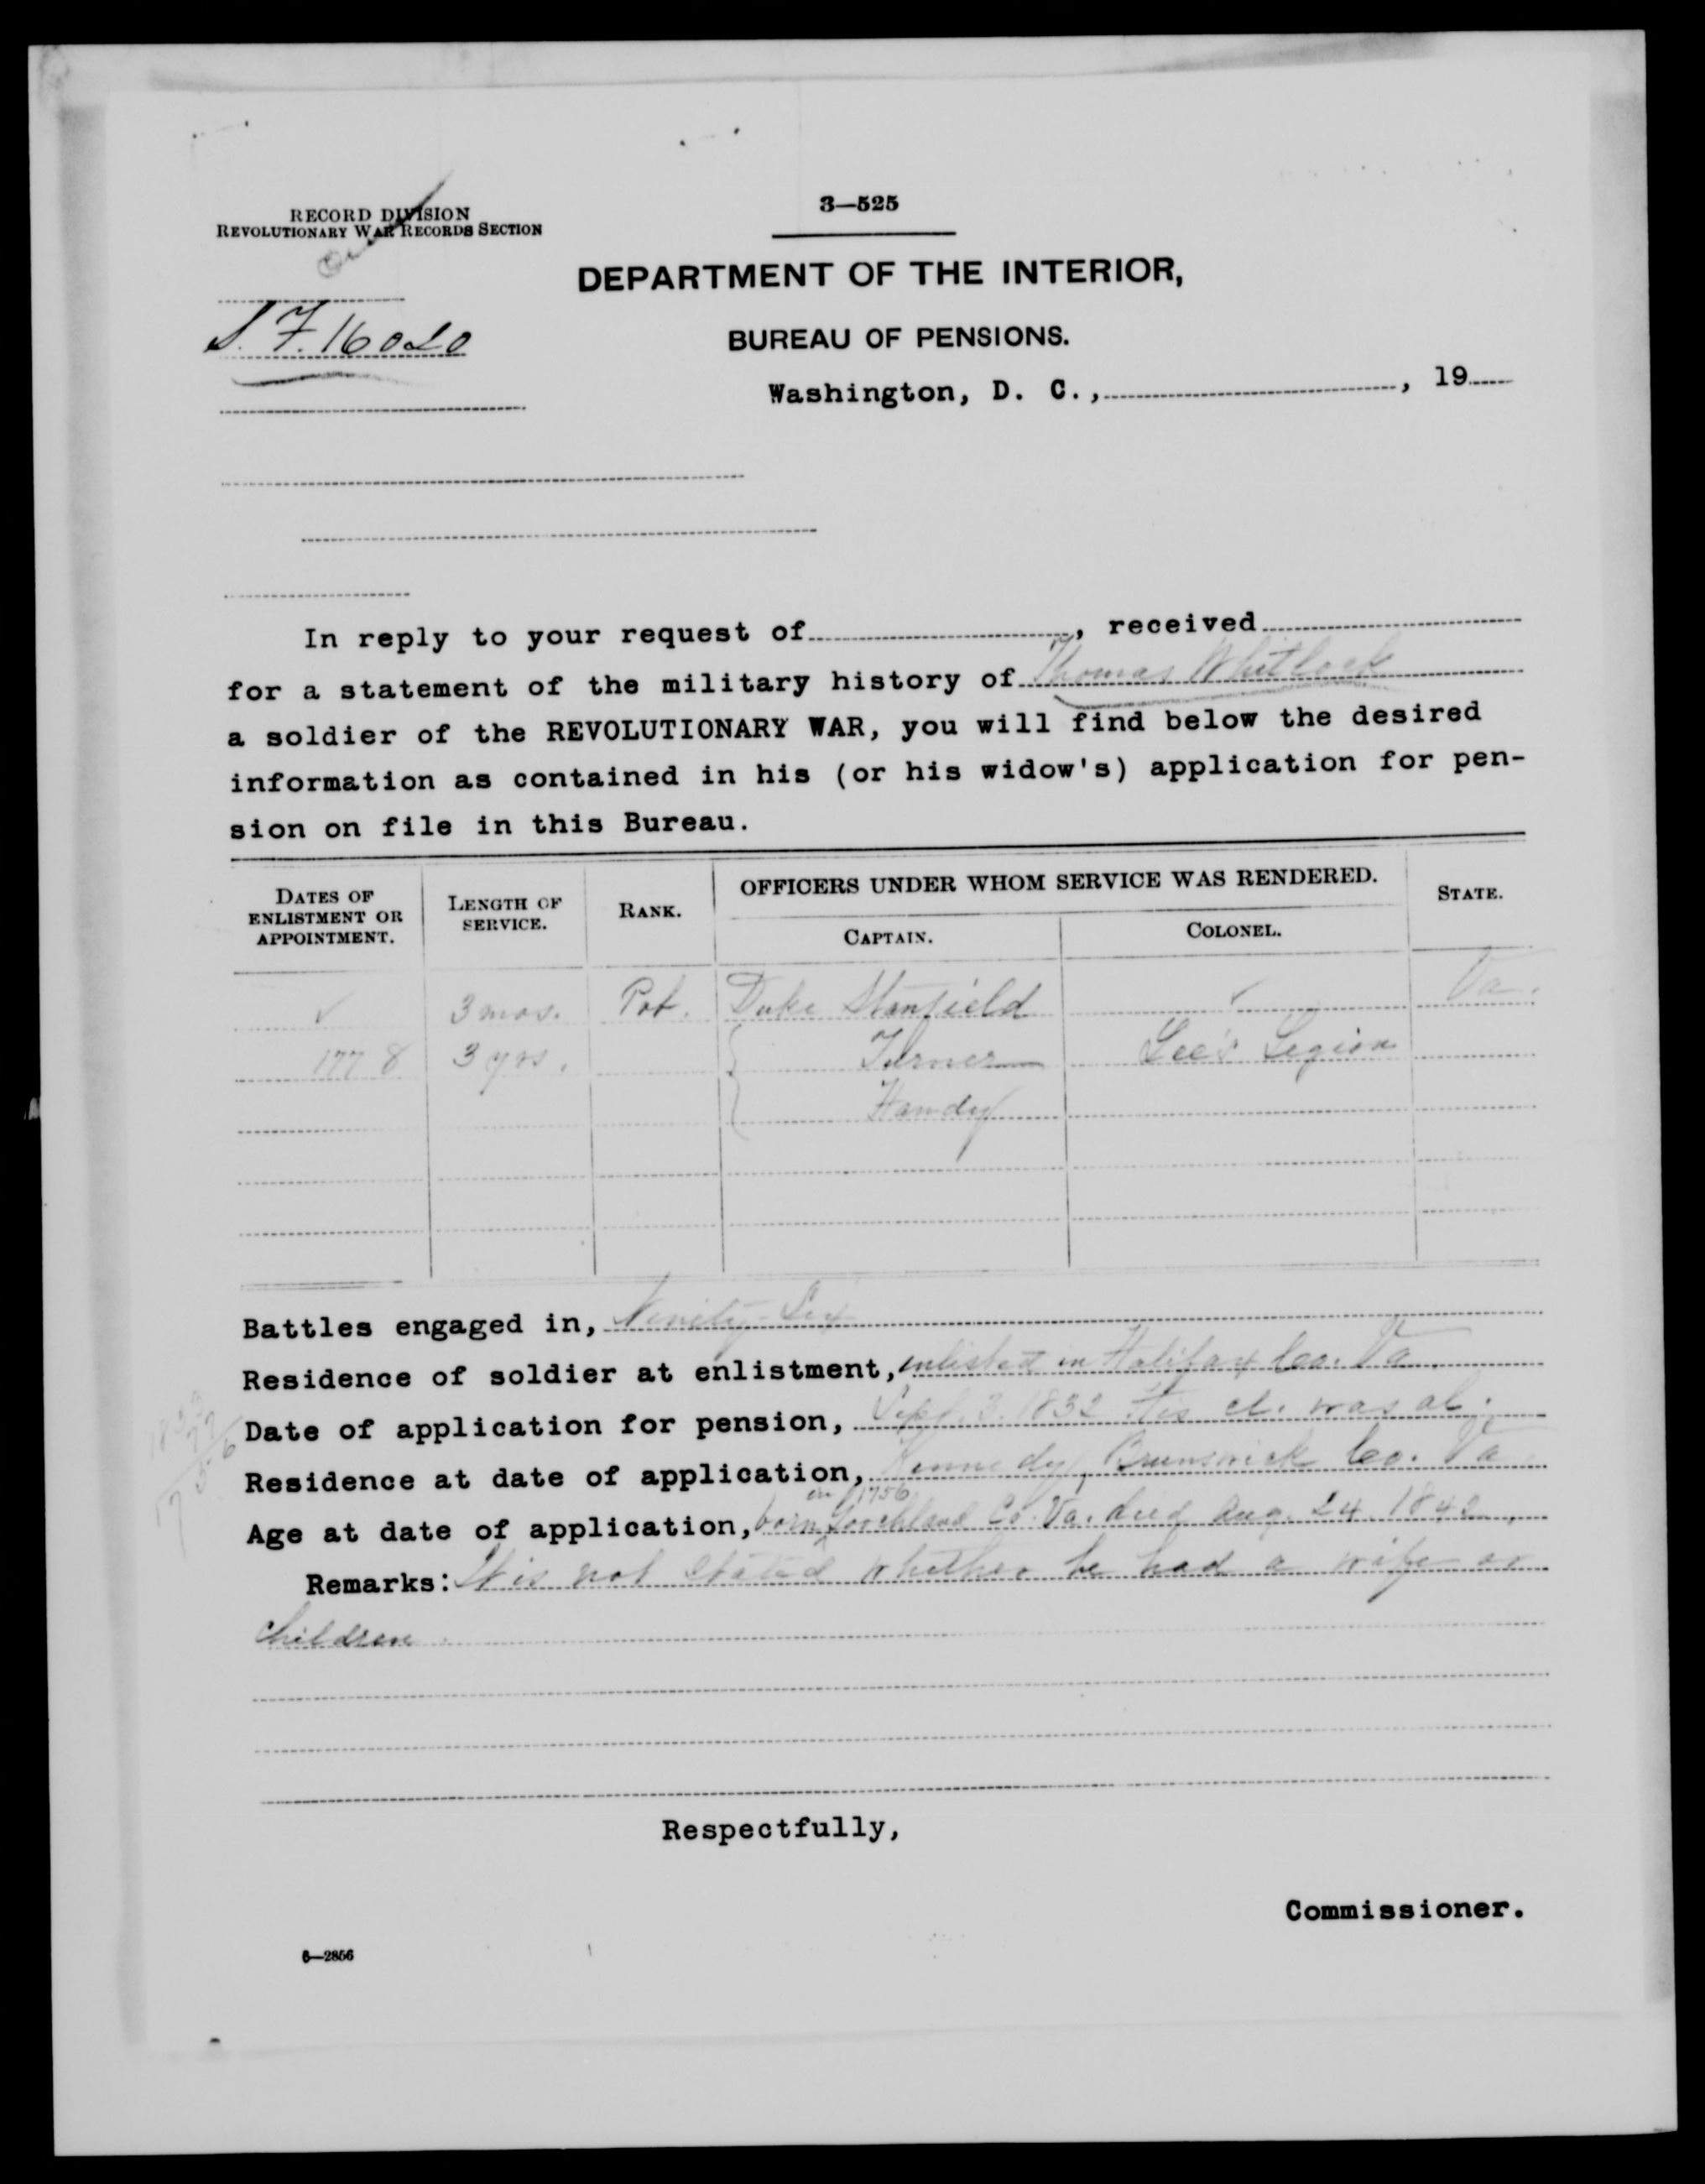3-525
RECORD DIVISION
REVOLUTIONARY WAR RECORDS SECTION
DEPARTMENT OF THE INTERIOR,
BUREAU OF PENSIONS.
S. F. 16020
Washington, D. C., _________, 19_

In reply to your request of _______, received ______ for a statement of the military history of Thomas Whitlock a soldier of the REVOLUTIONARY WAR, you will find below the desired information as contained in his (or his widow's) application for pension on file in this Bureau.

DATES OF ENLISTMENT OR APPOINTMENT.
[1] [checkmark]
[2] 1778
LENGTH OF SERVICE.
[1] 3 mos.
[2] 3 yrs.
RANK.
Pvt.
OFFICERS UNDER WHOM SERVICE WAS RENDERED.
CAPTAIN.
[1] Duke Stenfield
[2] Telsner; Handy
COLONEL.
[1] [checkmark]
[2] Lee's Legion
STATE.
Va.

Battles engaged in, Ninety-Six
Residence of soldier at enlistment, enlisted in Halifax Co. Va.
Date of application for pension, Sept. 3. 1832 His cl. was al.
Residence at date of application, Kennedy, Brunswick Co. Va.
Age at date of application, born in 1756 in Goochland Co. Va. died Aug. 24 1843.
Remarks: It is not stated whether he had a wife or children.

Respectfully,
Commissioner.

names: Thomas Whitlock, Lee F Legein, Dake Stenfield, Handy, S F Holo, Telsner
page: 14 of 32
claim: survivor's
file: S. 16020, Thomas Whitlock, Va.